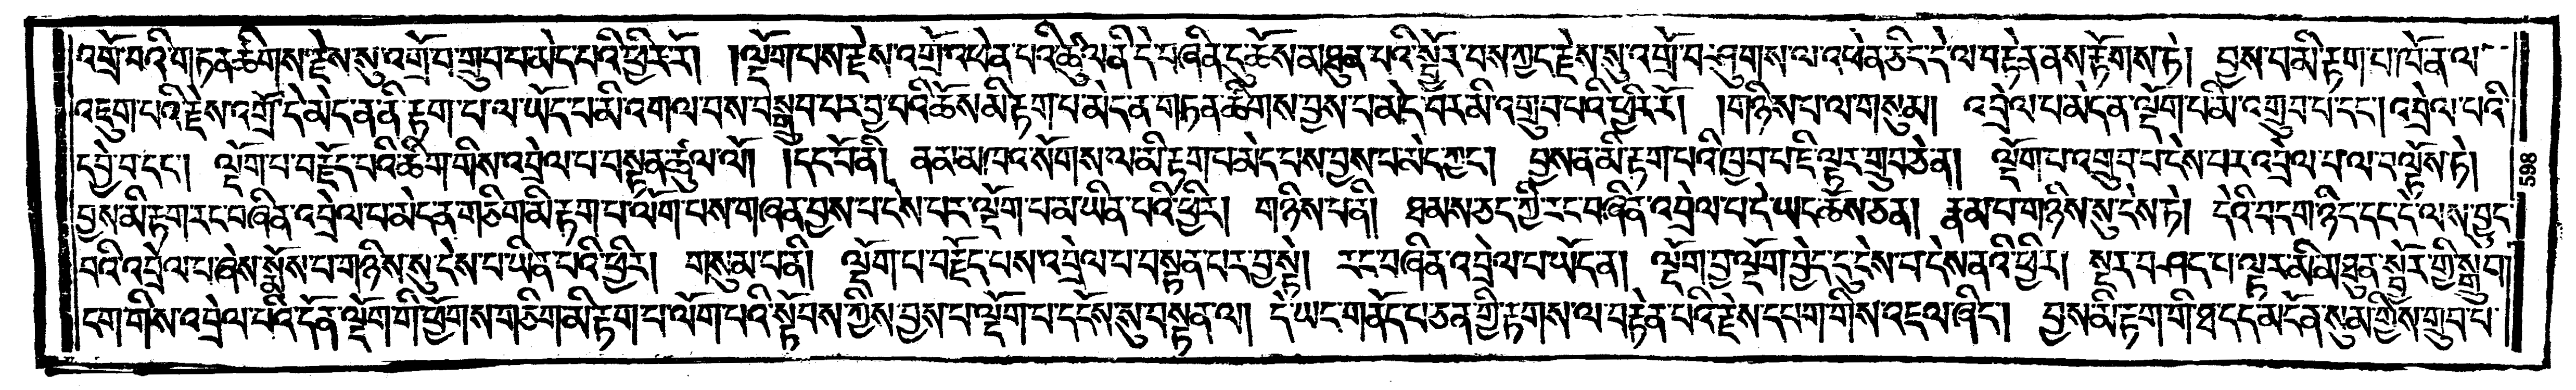འགྲོ་པའི་གཏན་ཚིགས་རྗེས་སུ་འགྲོ་བ་གྲུབ་པ་མེད་པའི་ཕྱིར་རོ། །ལྡོག་པས་རྗེས་འགྲོ་འཕེན་པའི་ཚུལ་ནི་དེ་བཞིན་དུ་ཆོས་མཐུན་པའི་སྦྱོར་བས་ཀྱང་རྗེས་སུ་འགྲོ་བ་ཤུགས་ལ་འཕེན་ཅིང་དེ་ལ་བརྟེན་ནས་རྟོགས་ཏེ། བྱས་བ་མི་རྟགས་པ་ཁོ་ན་ལ་
འཇུག་པའི་རྗེས་འགྲོ་དེ་མེད་ན་ནི་རྟག་པ་ལ་ཡོད་པ་མི་འགལ་པས་བསྒྲུབ་པར་བྱ་བའི་ཆོས་མི་རྟག་པ་མེད་ན་གཏན་ཚིགས་བྱས་པ་མེད་པར་མི་འགྲུབ་པའི་ཕྱིར་རོ། །གཉིས་པ་ལ་གསུམ། འབྲེལ་བ་མེད་ན་ལྡོག་པ་མི་འགྲུབ་པ་དང་། འབྲེལ་པའི་
དབྱེ་བ་དང་། ལྡོག་པ་བརྗོད་པའི་ཚིག་གིས་འབྲེལ་བ་བསྟན་ཚུལ་ལོ། །དང་པོ་ནི། ནམ་མཁའ་སོགས་ལ་མི་རྟག་པ་མེད་པས་བྱས་པ་མེད་ཀྱང་། བྱས་ན་མི་རྟག་པའི་ཁྱབ་པ་ཇི་ལྟར་གྲུབ་ཅེ་ན། ལྡོག་པ་འགྲུབ་པ་ངེས་པར་འབྲེལ་པ་ལ་བལྟོས་ཏེ།
བྱས་མི་རྟག་རང་བཞིན་འབྲེལ་པ་མེད་ན་གཅིག་མི་རྟག་པ་ལོག་པས་གཞན་བྱས་པ་ངེས་པར་ལྡོག་པ་མ་ཡིན་པའི་ཕྱིར། གཉིས་པ་ནི། ཐམས་ཅད་ཀྱི་རང་བཞིན་འབྲེལ་བ་དེ་ཡང་ཆོས་ཅན། རྣམ་པ་གཉིས་སུ་ངེས་ཏེ། དེའི་བདག་ཉིད་དང་དེ་ལས་བྱུང་
བའི་འབྲེལ་པ་ཞེས་སྨྲོས་པ་གཉིས་སུ་ངེས་པ་ཡིན་པའི་ཕྱིར། གསུམ་པ་ནི། ལྡོག་པ་བརྗོད་པས་འབྲེལ་པ་བསྟན་པར་བྱ་སྟེ། རང་བཞིན་འབྲེལ་པ་ཡོད་ན། ལྡོག་བྱ་ལྡོག་བྱེད་དུ་ངེས་པ་དེས་ནའི་ཕྱིར། སྔར་བཤད་པ་ལྟར་མི་མཐུན་སྦྱོར་གྱི་སྒྲུབ་
དག་གིས་འབྲེལ་པའི་དོན་ལྡོག་གི་ཕྱོགས་གཅིག་མི་རྟག་པ་ལོག་པའི་སྟོབས་ཀྱིས་བྱས་བ་ལྡོག་པ་དངོས་སུ་བསྟན་ལ། དེ་ཡང་གནོད་པ་ཅན་གྱི་རྟགས་ལ་བརྟེན་པའི་རྗེས་དཔག་གིས་འཇལ་ཞིང་། བྱས་མི་རྟག་གི་ཐ་དད་མངོན་སུམ་གྱིས་གྲུབ་པ་